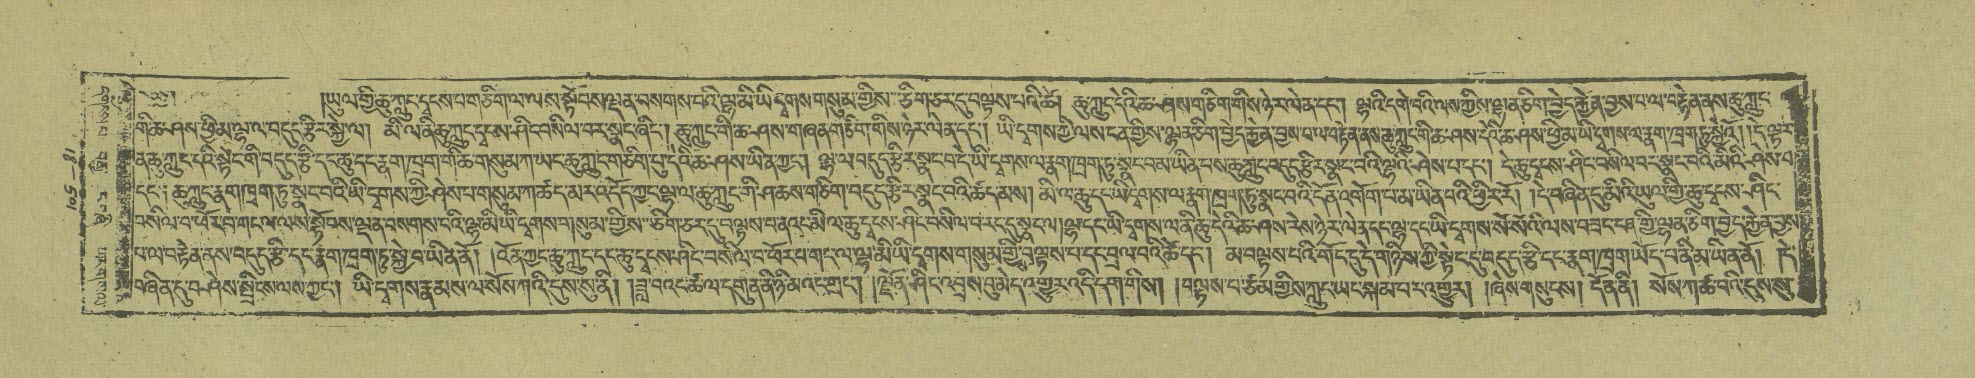༄༅། །ཡུལ་གྱི་ཆུ་ཀླུང་དྭངས་པ་གཅིག་ལ་ལས་སྟོབས་ལྡན་བསགས་པའི་ལྷ་མི་ཡི་དྭགས་གསུམ་གྱིས་ཅིག་ཅར་དུ་བལྟས་པའི་ཚེ། ཆུ་ཀླུང་དེའི་ཆ་ཤས་གཅིག་གིས་ཉེར་ལེན་དང་། ལྷའི་དགེ་བའི་ལས་ཀྱིས་ལྷན་ཅིག་བྱེད་རྐྱེན་བྱས་པ་ལ་བརྟེན་ནས་ཆུ་ཀླུང་
གི་ཆ་ཤས་ཕྱི་མ་ལྷ་ལ་བདུད་རྩིར་སྐྱེ་ལ། མི་ལ་ནི་ཆུ་ཀླུང་དྭངས་ཤིང་བསིལ་བར་སྣང་ཞིང་། ཆུ་ཀླུང་གི་ཆ་ཤས་གཞན་གཅིག་གིས་ཉེར་ལེན་དང་། ཡི་དྭགས་ཀྱི་ལས་ངན་གྱིས་ལྷན་ཅིག་བྱེད་རྐྱེན་བྱས་པ་ལ་བརྟེན་ནས་ཆུ་ཀླུང་གི་ཆ་ཤས་དེའི་ཆ་ཤས་ཕྱི་མ་ཡི་དྭགས་ལ་རྣག་ཁྲག་ཏུ་སྐྱེའོ། །དེ་ལྟར་
ན་ཆུ་ཀླུང་དེའི་སྟེང་གི་བདུད་རྩི་དང་ཆུ་དང་རྣག་ཁྲག་གི་ཆ་གསུམ་ཀ་ཡང་ཆུ་ཀླུང་གཅིག་པུ་དེའི་ཆ་ཤས་ཡིན་ཀྱང་། ལྷ་ལ་བདུད་རྩིར་སྣང་བ་དེ་ཡི་དྭགས་ལ་རྣག་ཁྲག་ཏུ་སྣང་བ་མ་ཡིན་པས་ཆུ་ཀླུང་བདུད་རྩིར་སྣང་བའི་ལྷའི་ཤེས་པ་དང་། དེ་ཆུ་དྭངས་ཤིང་བསིལ་བར་སྣང་བའི་མིའི་ཤེས་པ་
དང་། ཆུ་ཀླུང་རྣག་ཁྲག་ཏུ་སྣང་བའི་ཡི་དྭགས་ཀྱི་ཤེས་པ་གསུམ་ཀ་ཚད་མར་འདོད་ཀྱང་ལྷ་ལ་ཆུ་ཀླུང་གི་ཤ་ཆས་གཅིག་བདུད་རྩིར་སྣང་བའི་ཚད་མས། མི་ལ་ཆུ་དང་ཡི་དྭགས་ལ་རྣག་ཁྲག་ཏུ་སྣང་བའི་དོན་འགོག་པ་མ་ཡིན་པའི་ཕྱིར་རོ། །དེ་བཞིན་དུ་མིའི་ཡུལ་གྱི་ཆུ་དྭངས་ཤིང་
བསིལ་བ་ཕོར་ཕ་གང་ལ་ལས་སྟོབས་ལྡན་བསགས་པའི་ལྷ་མི་ཡི་དྭགས་གསུམ་གྱིས་ཅིག་ཅར་དུ་བལྟས་པ་ནའང་མི་ལ་ཆུ་དྭངས་ཤིང་བསིལ་བ་རང་དུ་སྣང་ལ། ལྷ་དང་ཡི་དྭགས་ལ་ནི་ཆུ་དེའི་ཆེ་ཤས་རེས་ཉེར་ལེན་དང་ལྷ་དང་ཡི་དྭགས་སོ་སོའི་ལས་བཟང་ངན་གྱི་ལྷན་ཅིག་བྱེད་རྐྱེན་བྱས་
པ་ལ་བརྟེན་ནས་བདུད་རྩི་དང་རྣག་ཁྲག་ཏུ་སྐྱེ་བ་ཡིན་ནོ། །འོན་ཀྱང་ཆུ་ཀླུང་དང་ཆུ་དྭངས་ཤིང་བསིལ་བ་ཕོར་བ་གང་ལ་ལྷ་མི་ཡི་དྭགས་གསུམ་གྱིས་བལྟས་པ་དང་བྲལ་བའི་ཚེ་དང་། མ་བལྟས་པའི་གོང་དུ་དེ་གཉིས་ཀྱི་སྟེང་དུ་བདུད་རྩི་དང་རྣག་ཁྲག་ཡོད་པ་ནི་མ་ཡིན་ནོ། །དེ་
བཞིན་དུ་བཤེས་སྤྲིངས་ལས་ཀྱང་། ཡི་དྭགས་རྣམས་ལ་སོས་ཀའི་དུས་སུ་ནི། །ཟླ་བའང་ཚ་ལ་དགུན་ནི་ཉི་མའང་གྲང་། །ལྗོན་ཤིང་འབྲས་བུ་མེད་འགྱུར་འདི་དག་གིས། །བལྟས་པ་ཙམ་གྱིས་ཀླུང་ཡང་སྐམ་པར་འགྱུར། །ཞེས་གསུངས། དོན་ནི། སོས་ཀ་ཚ་བའི་དུས་སུ་